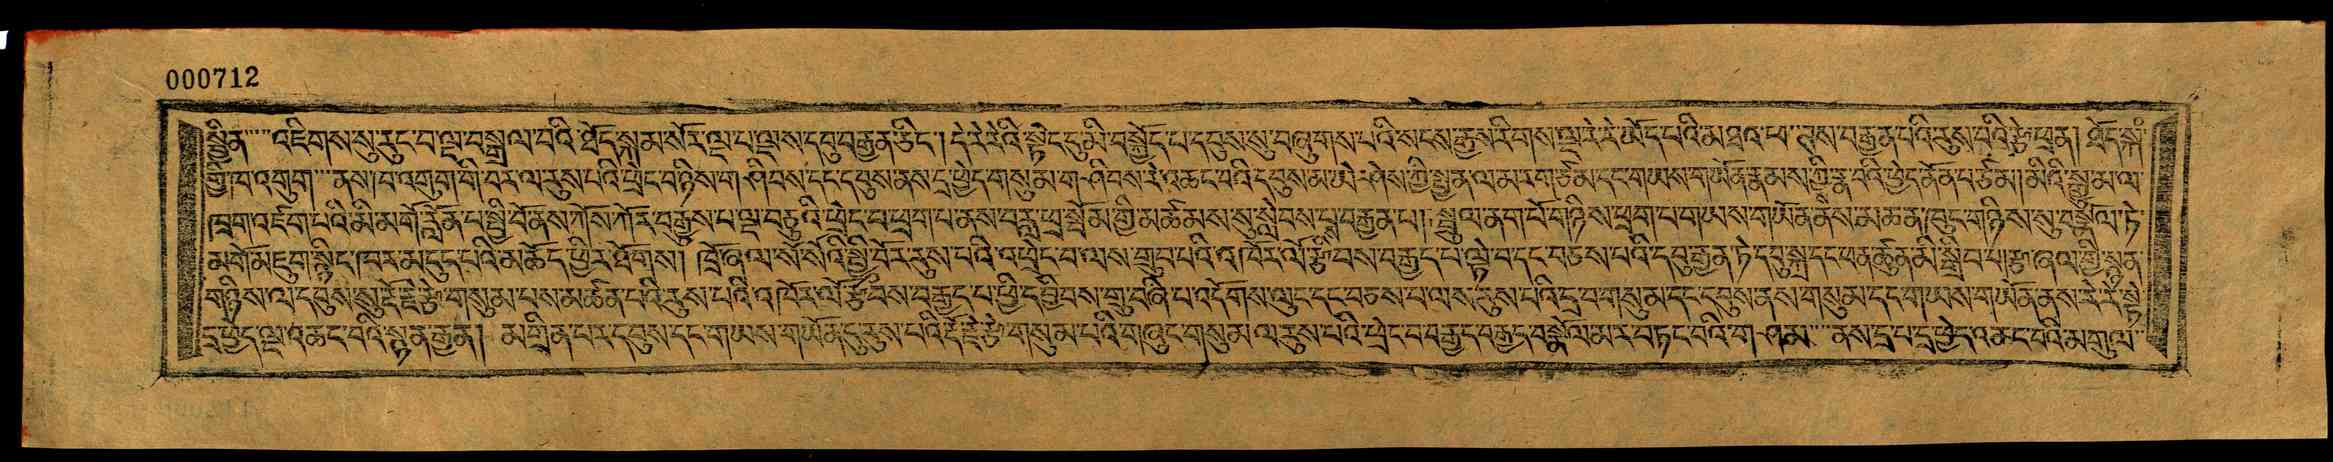སྦྱིན་ཏེ་འཇིགས་སུ་རུང་བ་ལྔ་བསྒྲལ་བའི་ཐོད་སྐམ་སོར་ལྔ་པ་ལྔས་དབུ་བརྒྱན་ཅིང་། དེ་རེ་རེའི་སྟེང་དུ་མི་བསྐྱོད་པ་དབུས་སུ་བཞུགས་པའི་སངས་རྒྱས་རིགས་ལྔ་རེ་རེ་ཡོད་པའི་མཐའ་མ་ཊས་བརྒྱན་པའི་རུས་པའི་རྩེ་ཕྲན། ཐོད་སྐཾ་
གྱི་ཁ་འགུག་ནས་ཁ་འགུག་གི་བར་ལ་རུས་པའི་ཕྲེང་བ་ཉིས་གཤིབས་དང་དབུས་ནས་དྲ་ཕྱེད་གསུམ་གཤིབས་རེ་འཆང་བའི་དབུས་མ་ཡེ་ཤེས་ཀྱི་སྤྱན་ལ་མ་རེག་ཙམ་དང་གཡས་གཡོན་རྣམས་ཀྱིས་རྣ་བའི་ཕྱེད་ནོན་པ་ཙམ། མིའི་རྒྱུ་མ་ལ་
ཁྲག་འཛག་པའི་མི་མགོ་རློན་པ་སྤྱི་བོ་ནས་ཀོས་ཀོར་བརྒྱུས་པ་ལྔ་བཅུའི་ཕྲེང་བ་ཕྲག་པ་ནས་བརླ་ཕྲ་སྦོམ་གྱི་མཚམས་སུ་སླེབས་པས་བརྒྱན་པ། སྦྲུལ་ནག་པོ་གཉིས་ཕྲག་པ་གཡས་གཡོན་ནས་མཆན་ཁུང་གཉིས་སུ་བསྣོལ་ཏེ་
མགོ་མཇུག་སྙིང་ཁར་མདུད་པའི་མཆོད་ཕྱིར་ཐོགས། ཁྲོ་ཞལ་སོ་སོའི་སྤྱི་བོར་རུས་པའི་འཕྲེང་བ་ལས་གྲུབ་པའི་འཁོར་ལོ་རྩིབས་བརྒྱད་པ་ལྟེ་བ་དང་བཅས་པའི་དབུ་རྒྱན་ཏེ་དབུ་སྐྲ་དང་ཕན་ཚུན་མི་སྒྲིབ་པ། རྩ་ཞལ་གྱི་སྙན་
གཉིས་ལ་དབུས་སུ་རྡོ་རྗེ་རྩེ་གསུམ་པས་མཚན་པའི་རུས་པའི་འཁོར་ལོ་རྩིབས་བརྒྱད་པ་ཕྱི་དབྱིབས་གྲུ་བཞི་པ་འདོགས་ལུང་དང་བཅས་པ་ལས་རུས་པའི་དྲ་བ་གསུམ་དང་དབུས་ནས་གསུམ་དང ༣གཡས་གཡོན་ནས་རེ་རེ་སྟེ་
དྲ་ཕྱེད་ལྔ་འཆང་བའི་སྙན་རྒྱན། མགྲིན་པར་དབུས་དང་གཡས་གཡོན་དུ་རུས་པའི་རྡོ་རྗེ་རྩེ་གསུམ་པའི་གཞུང་གསུམ་ལ་རུས་པའི་ཕྲེང་བ་བརྒྱད་བརྒྱད་བསྣོལ་མར་བཏང་བའི་གཤམ་ནས་དྲ་བ་དྲ་ཕྱེད་འཆང་བའི་མགུལ་